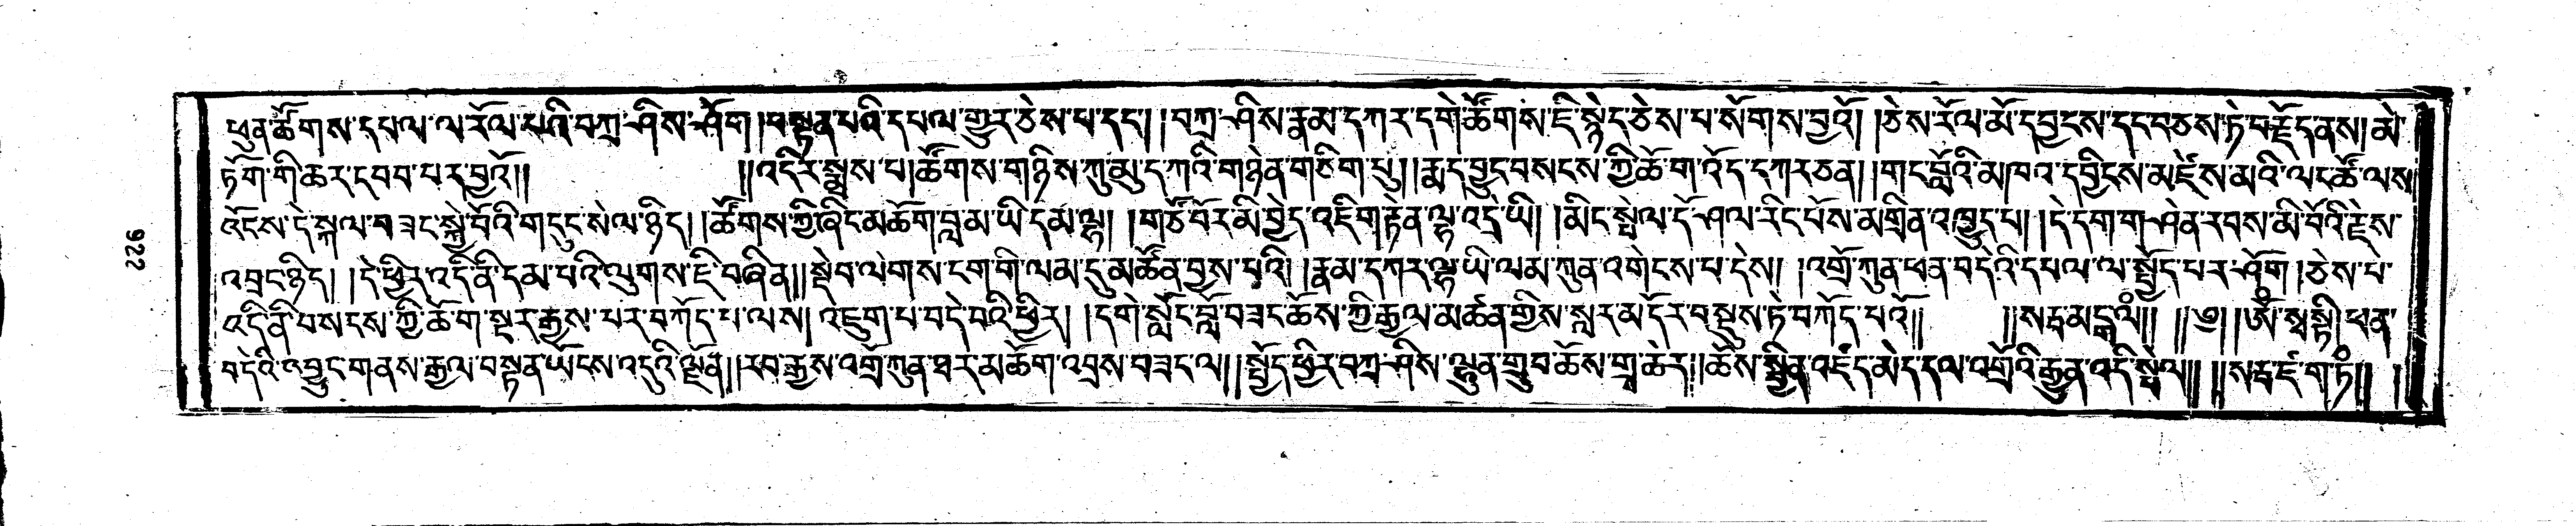ཕུན་ཚོགས་དཔལ་ལ་རོལ་པའི་བཀྲ་ཤིས་ཤོག །བསྟན་པའི་དཔལ་གྱུར་ཅེས་པ་དང་། །བཀྲ་ཤིས་རྣམ་དཀར་དགེ་ཚོགས་ཇི་སྙེད་ཅེས་པ་སོགས་བྱའོ། །ཅེས་རོལ་མོ་དབྱངས་དང་བཅས་ཏེ་བརྗོད་ནས། མེ་
ཏོག་གི་ཆར་དབབ་པར་བྱའོ།། །།འདིར་སྨྲས་པ། ཚོགས་གཉིས་ཀུ་མུ་ད་ཀའི་གཉེན་གཅིག་པུ། །རྨད་བྱུང་བསངས་ཀྱི་ཆོ་ག་འོད་དཀར་ཅན། །གང་བློའི་མཁའ་དབྱིངས་མཛེས་མའི་ལང་ཚོ་ལས།།
འོངས་དེ་སྐལ་བཟང་སྐྱེ་བོའི་གདུང་སེལ་ཉིད། །ཚོགས་ཀྱི་ཞིང་མཆོག་བླ་མ་ཡི་དམ་ལྷ། །གཙོ་བོར་མི་བྱེད་འཇིག་རྟེན་ལྷ་འདྲེ་ཡི། །མིང་སྤེལ་དོ་ཤལ་རིང་པོས་མགྲིན་འཁྱུད་པ། །དེ་དག་གཤེན་རབས་མི་བོའི་རྗེས་
འབྲང་ཉིད། །དེ་ཕྱིར་འདི་ནི་དམ་པའི་ལུགས་ཇི་བཞིན། །སྡེབ་ལེགས་ངག་གི་ལམ་དུ་མཚོན་བྱས་པའི། །རྣམ་དཀར་ལྷ་ཡི་ལམ་ཀུན་འགེངས་པ་དེས། །འགྲོ་ཀུན་ཕན་བདེའི་དཔལ་ལ་སྤྱོད་པར་ཤོག །ཅེས་པ་
འདི་ནི་བསངས་ཀྱི་ཆོ་ག་སྔར་རྒྱས་པར་བཀོད་པ་ལས། འཇུག་པ་བདེ་བའི་ཕྱིར། །དགེ་སློང་བློ་བཟང་ཆོས་ཀྱི་རྒྱལ་མཚན་གྱིས་སླར་མདོར་བསྡུས་ཏེ་བཀོད་པའོ།། །།སརྦ་མངྒ་ལཾ།། །།༄༅། །ཨོཾ་སྭསྟི། ཕན་
བདེའི་འབྱུང་གནས་རྒྱལ་བསྟན་ཡོངས་འདུའི་ལྗོན། །རབ་རྒྱས་འགྲོ་ཀུན་ཐར་མཆོག་འབྲས་བཟང་ལ། །སྤྱོད་ཕྱིར་བཀྲ་ཤིས་ལྷུན་གྲུབ་ཆོས་གྲྭ་ཆེར། །ཆོས་སྦྱིན་འཛད་མེད་དལ་འགྲོའི་རྒྱུན་འདི་སྤེལ།། །།སརྦ་ཛ་ག་ཏཾ།། །།